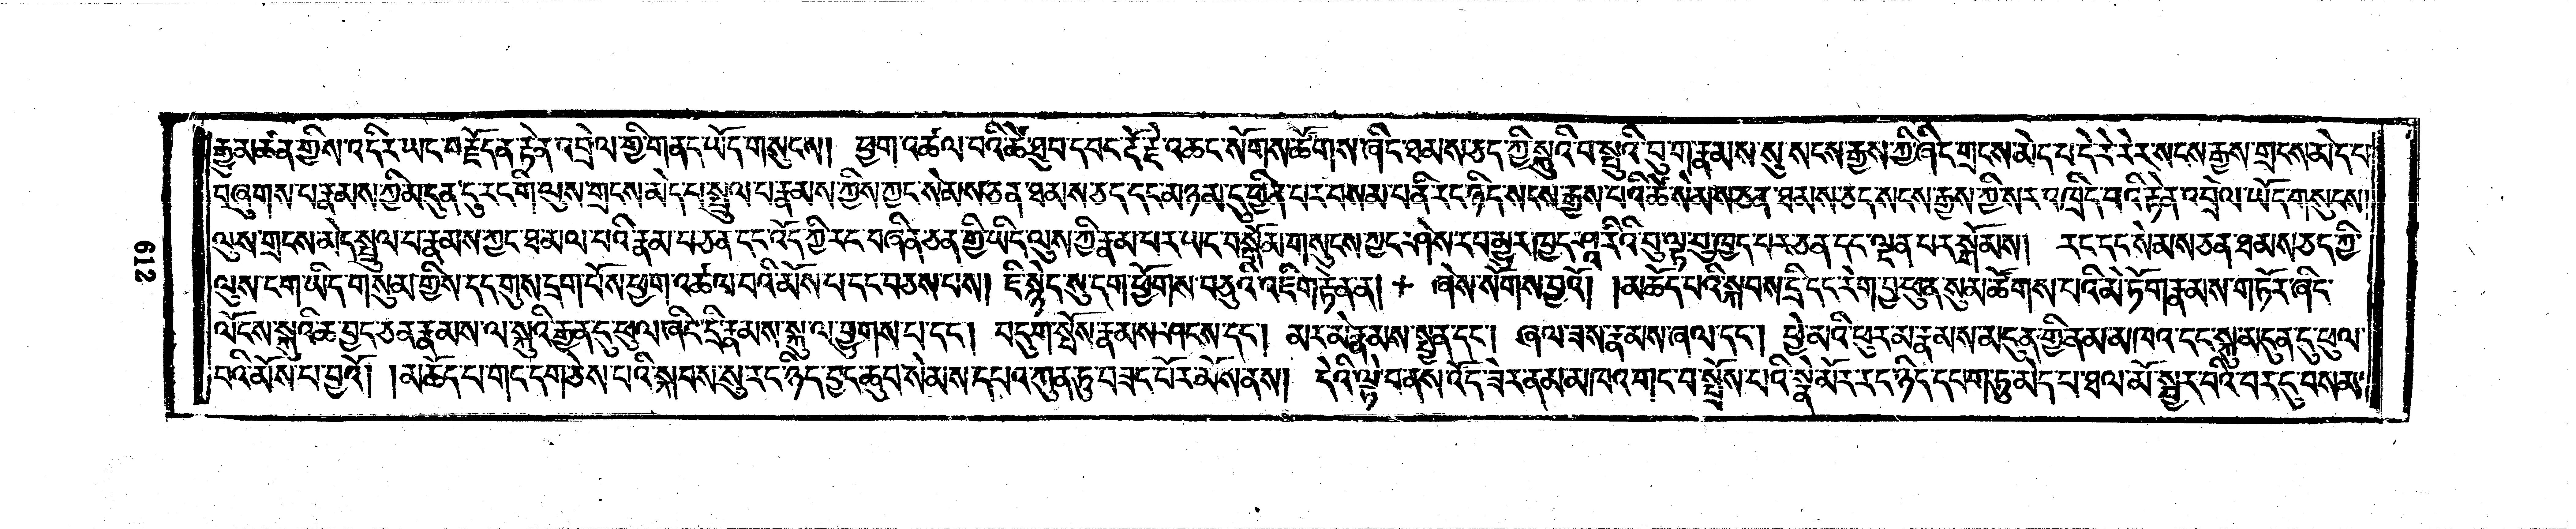རྒྱུ་མཚན་གྱིས་འདིར་ཡང་བརྗོད་ན་རྟེན་བྲེལ་གྱི་གནད་ཡོད་གསུངས། ཕྱག་འཚལ་བའི་ཚེ་ཐུབ་དབང་རྡོ་རེ་འཆང་སོགས་ཚོགས་ཞིང་ཐམས་ཅད་ཀྱི་སྐུའི་བ་སྤུའི་བུ་ག་རྣམས་སུ་སངས་རྒྱས་ཀྱི་ཞིང་གྲངས་མེད་པ་དེ་རེ་རེར་སངས་རྒྱས་གྲངས་མེད་པ་
བཞུགས་པ་རྣམས་ཀྱི་མདུན་དུ་རང་གི་ལུས་གྲངས་མེད་པ་སྤྲུལ་པ་རྣམས་ཀྱིས་ཀྱང་སེམས་ཅན་ཐམས་ཅད་དང་མཉམ་དུ་ཕྱིན་པར་བསམ་པ་ནི་རང་ཉིད་སངས་རྒྱས་པའི་ཚེ་སེམས་ཅན་ཐམས་ཅད་སངས་རྒྱས་ཀྱི་སར་འཁྲིད་བའི་རྟེན་འབྲེལ་ཡོད་གསུངས།
ལུས་གྲངས་མེད་སྤྲུལ་པ་རྣམས་ཀྱང་ཐ་མལ་བའི་རྣམ་པ་ཅན་དང་འོད་ཀྱི་རང་བཞིན་ཅན་གྱི་ཡིད་ལུས་ཀྱི་རྣམ་པར་ཡང་བསྒོམ་གསུངས་ཀྱང་ཤེས་རབ་མྱུར་ཁྱད་ཤཱ་རིའི་བུ་ལྟ་བུ་ཁྱད་པར་ཅན་དང་ལྡན་པར་སྒོམས། རང་དང་སེམས་ཅན་ཐམས་ཅད་ཀྱི་
ལུས་ངག་ཡིད་གསུམ་གྱིས་དད་གུས་དྲག་པོས་ཕྱག་འཚལ་བའི་མོས་པ་དང་བཅས་པས། ཇི་སྙེད་སུ་དག་ཕྱོགས་བཅུའི་འཇིག་རྟེན་ན། +་ཞེས་སོགས་བྱའོ། །མཆོད་པའི་སྐབས་དྲི་དང་རེག་བྱ་ཕུན་སུམ་ཚོགས་པའི་མེ་ཏོག་རྣམས་གཏོར་ཞིང་
ལོངས་སྐུའི་ཆ་བྱད་ཅན་རྣམས་ལ་སྐུའི་རྒྱན་དུ་ཕུལ་ཞིང་དྲི་རྣམས་སྐུ་ལ་བྱུགས་པ་དང་། བདུག་སྤོས་རྣམས་ཤངས་དང་། མར་མེ་རྣམས་སྤྱན་དང་། ཞལ་ཟས་རྣམས་ཞལ་དང་། ཕྱེ་མའི་ཕུར་མ་རྣམས་མདུན་གྱི་ནམ་མཁའ་དང་སྐུ་མདུན་དུ་ཕུལ་
བའི་མོས་པ་བྱའོ། །མཆོད་པ་གང་དག་ཅེས་པའི་སྐབས་སུ་རང་ཉིད་བྱང་ཆུབ་སེམས་དཔའ་ཀུན་ཏུ་བཟང་པོར་མོས་ནས། དེའི་ལྟེ་བ་རྣས་འོད་ཟེར་ནམ་མཁའ་གང་བ་སྤྲོས་པའི་སྣེ་མོར་རང་ཉིད་དཔག་ཏུ་མེད་པ་ཐལ་མོ་སྦྱར་བའི་བར་དུ་བསམ་